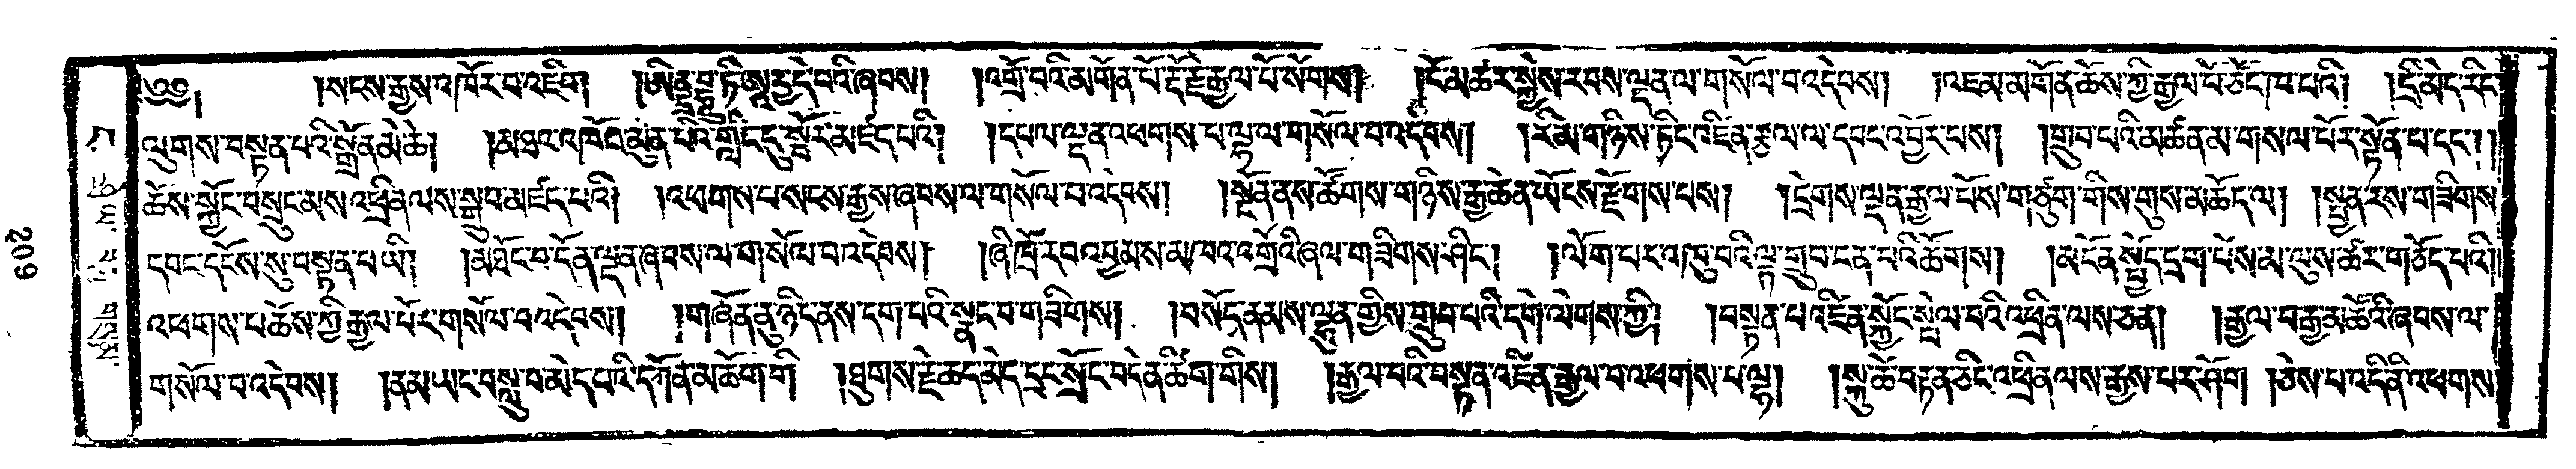༄༅། །སངས་རྒྱས་འཁོར་བ་འཇིག །ཨིནྡྲ་བྷཱུ་ཏི་ཨཱརྱ་དེ་བའི་ཞབས། །འགྲོ་བའི་མགོན་པོ་རྡོ་རྗེ་རྒྱལ་པོ་སོགས། །ངོ་མཚར་སྐྱེས་རབས་ལྡན་ལ་གསོལ་བ་འདེབས། །འཇམ་མགོན་ཆོས་ཀྱི་རྒྱལ་པོ་ཙོང་ཁ་པའི། །དྲི་མེད་རིང་
ལུགས་བསྟན་པའི་སྒྲོན་མེ་ཆེ། །མཐའ་འཁོབ་མུན་པའི་གླིང་དུ་སྦོར་མཛད་པའི། །དཔལ་ལྡན་འཕགས་པ་ལྟ་ལ་གསོལ་བ་འདེབས། །རིམ་གཉིས་ཏིང་འཛིན་རྩལ་ལ་དབང་འབྱོར་པས། །གྲུབ་པའི་མཚན་མ་གསལ་པོར་སྟོན་པ་དང།།
ཆོས་སྐྱོང་བསྲུང་མས་འཕྲིན་ལས་སྒྲུབ་མཛད་པའི། །འཕགས་པ་སངས་རྒྱས་ཞབས་ལ་གསོལ་བ་འདེབས། །སྔོན་ནས་ཚོགས་གཉིས་རྒྱ་ཆེན་ཡོངས་རྫོགས་པས། །དྲེགས་ལྡན་རྒྱལ་པོས་གཙུག་གིས་གུས་མཆོད་ལ། །སྤྱན་རས་གཟིགས་
དབང་དངོས་སུ་བསྟན་པ་ཡི། །མཐོང་བ་དོན་ལྡན་ཞབས་ལ་གསོལ་བ་འདེབས། །ཞི་ཁྲོ་རབ་འབྱམས་མཁའ་འགྲོའི་ཞལ་གཟིགས་ཤིང་། །ལོག་པར་འཁུ་བའི་ལྟ་གྲུབ་ངན་པའི་ཚོགས། །མངོན་སྤྱོད་དྲག་པོས་མ་ལུས་ཚར་གཅོད་པའི།།
འཕགས་པ་ཆོས་ཀྱི་རྒྱལ་པོར་གསོལ་བ་འདེབས། །གཞོན་ནུ་ཉིད་ནས་དག་པའི་སྣང་བ་གཟིགས། །བསོད་ནམས་ལྷུན་གྱིས་གྲུབ་པའི་དགེ་ལེགས་ཀྱི། །བསྟན་པ་འཛིན་སྐྱོང་སྤེལ་བའི་འཕྲིན་ལས་ཅན། །རྒྱལ་བ་རྒྱ་མཚོའི་ཞབས་ལ་
གསོལ་བ་འདེབས། །ནམ་ཡང་བསླུ་བ་མེད་པའི་དཀོན་མཆོག་གི །ཐུགས་རྗེ་ཆད་མེད་དྲང་སྲོང་བདེན་ཚིག་གིས། །རྒྱལ་བའི་བསྟན་འཛིན་རྒྱལ་བ་འཕགས་པ་ལྷ། །སྐུ་ཚེ་བརྟན་ཅིང་འཕྲིན་ལས་རྒྱས་པར་ཤོག །ཅེས་པ་འདི་ནི་འཕགས་